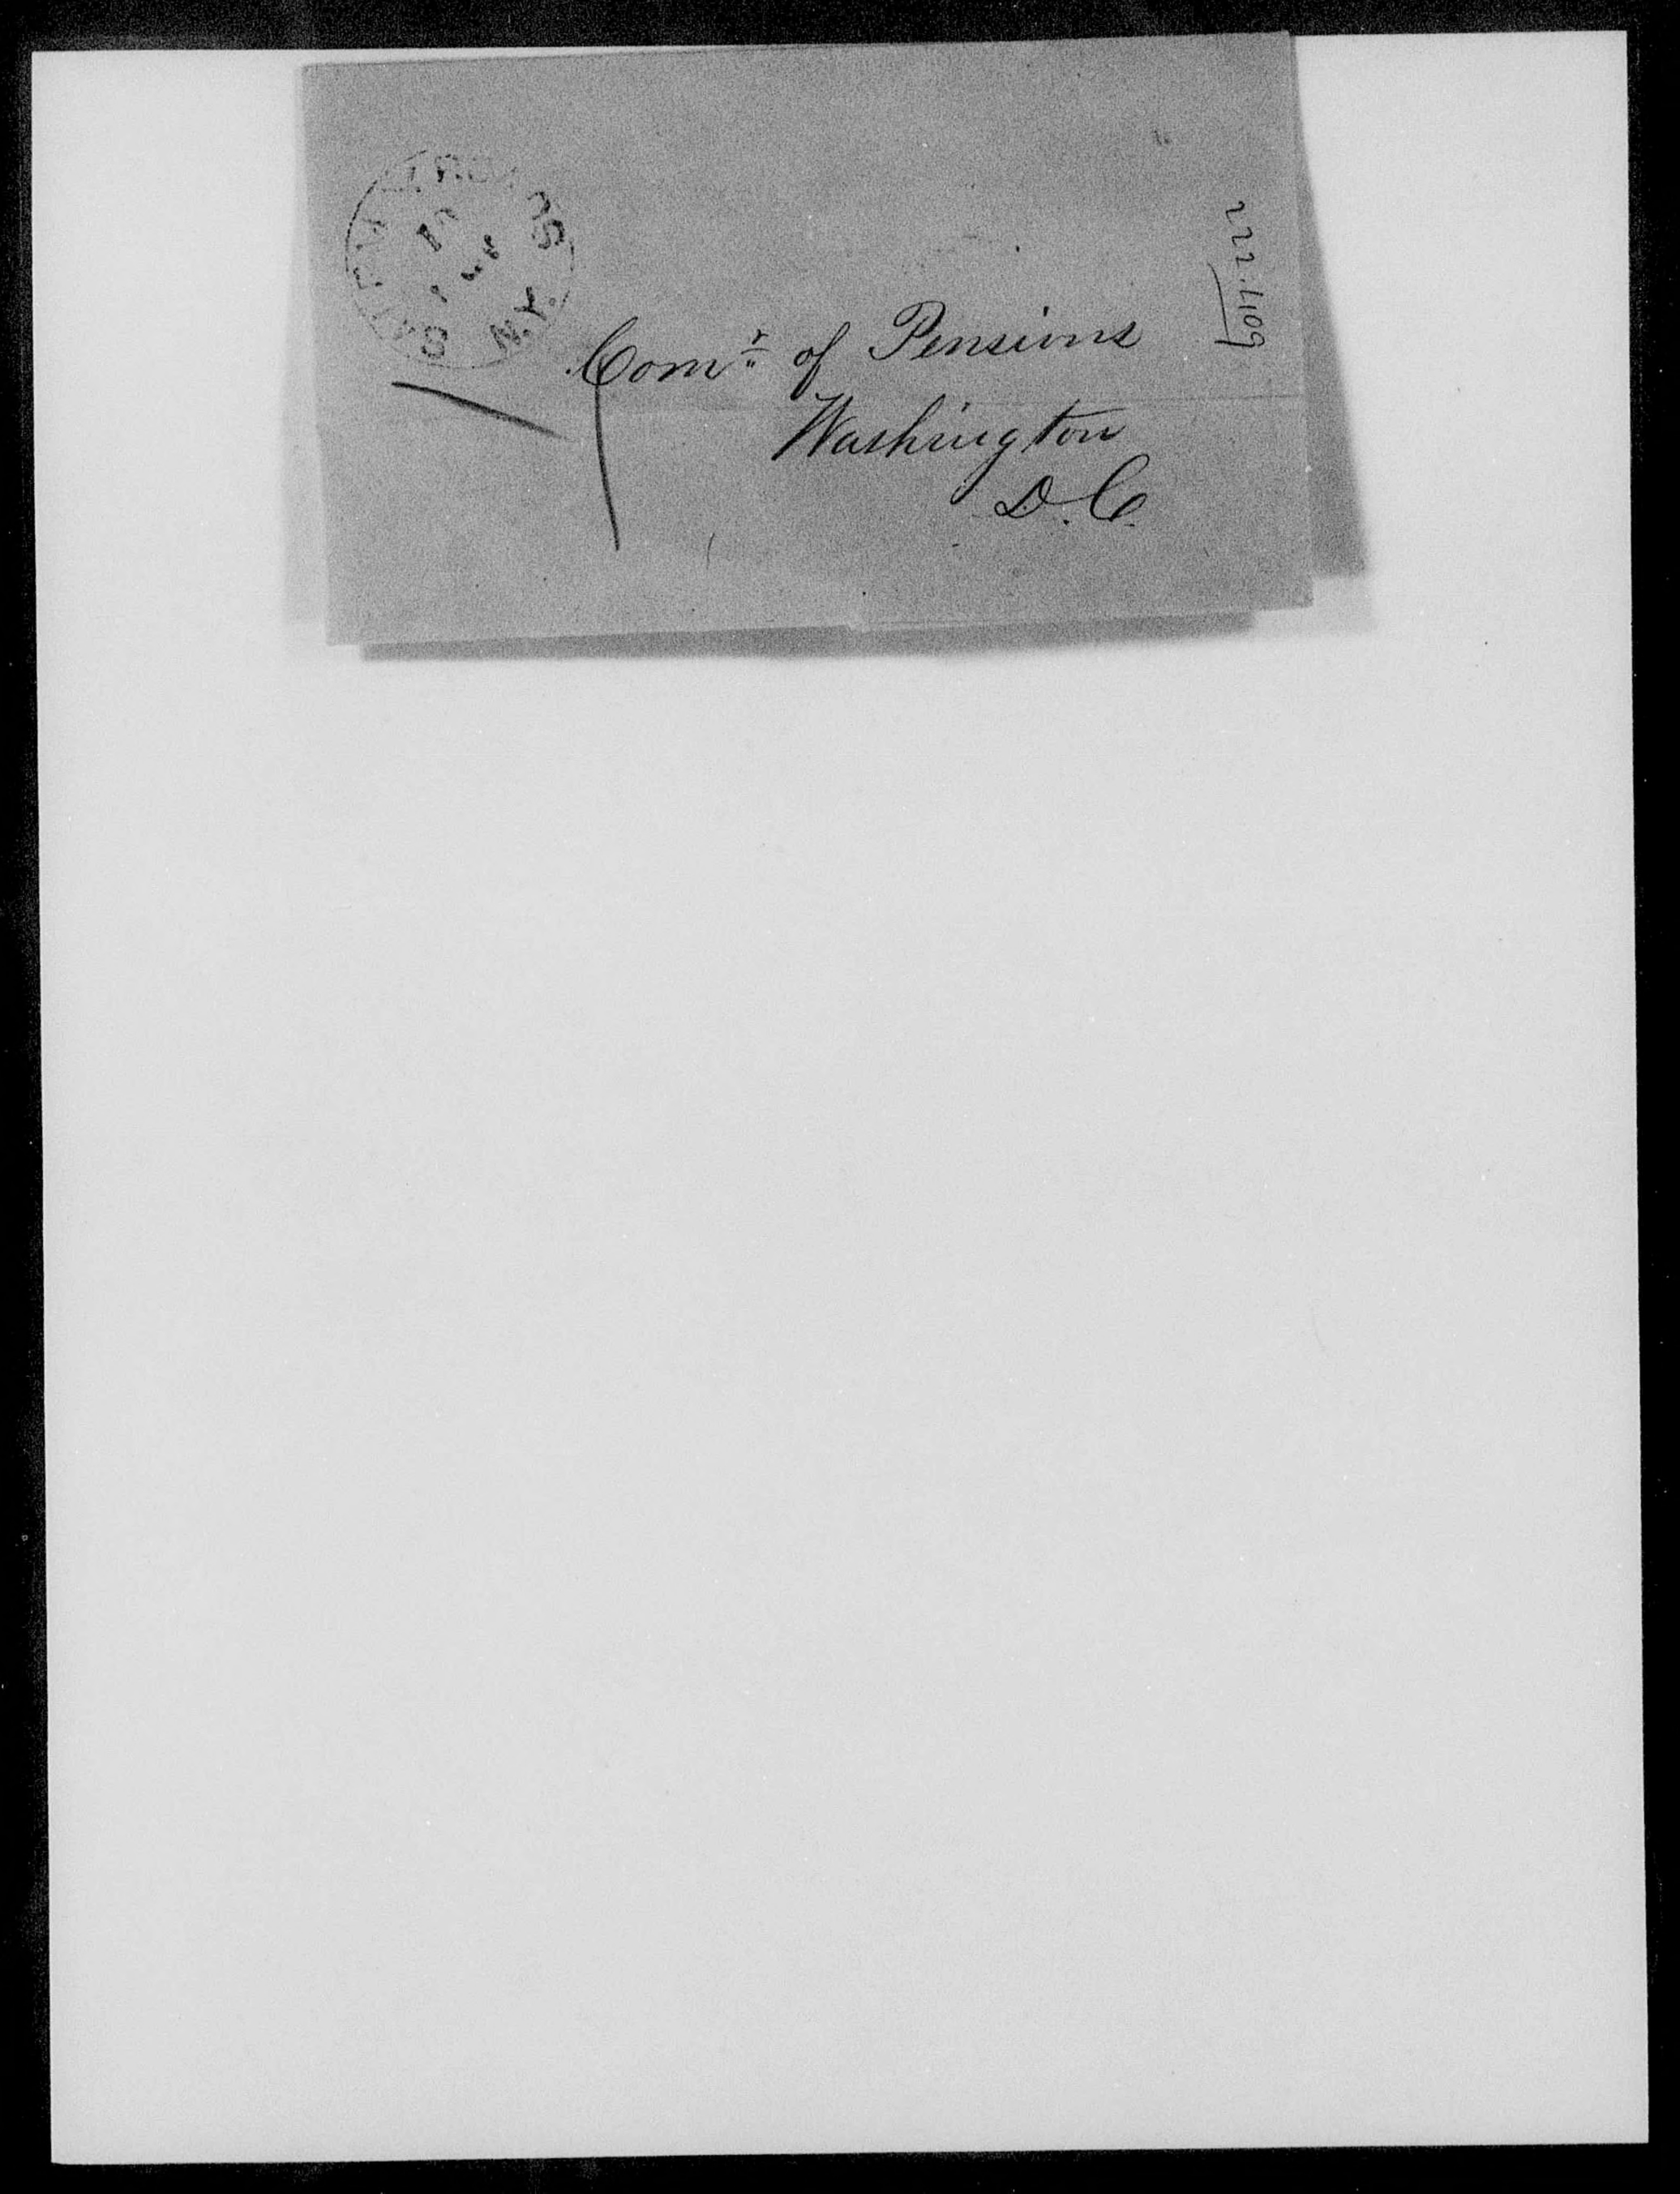[stamp] [unreadable] N.Y. 12 MAY
222.1109
Comr of Pensions
Washington D. C.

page: 35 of 73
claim: widow's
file: W. 2338, for Joseph P Peters, Connecticut